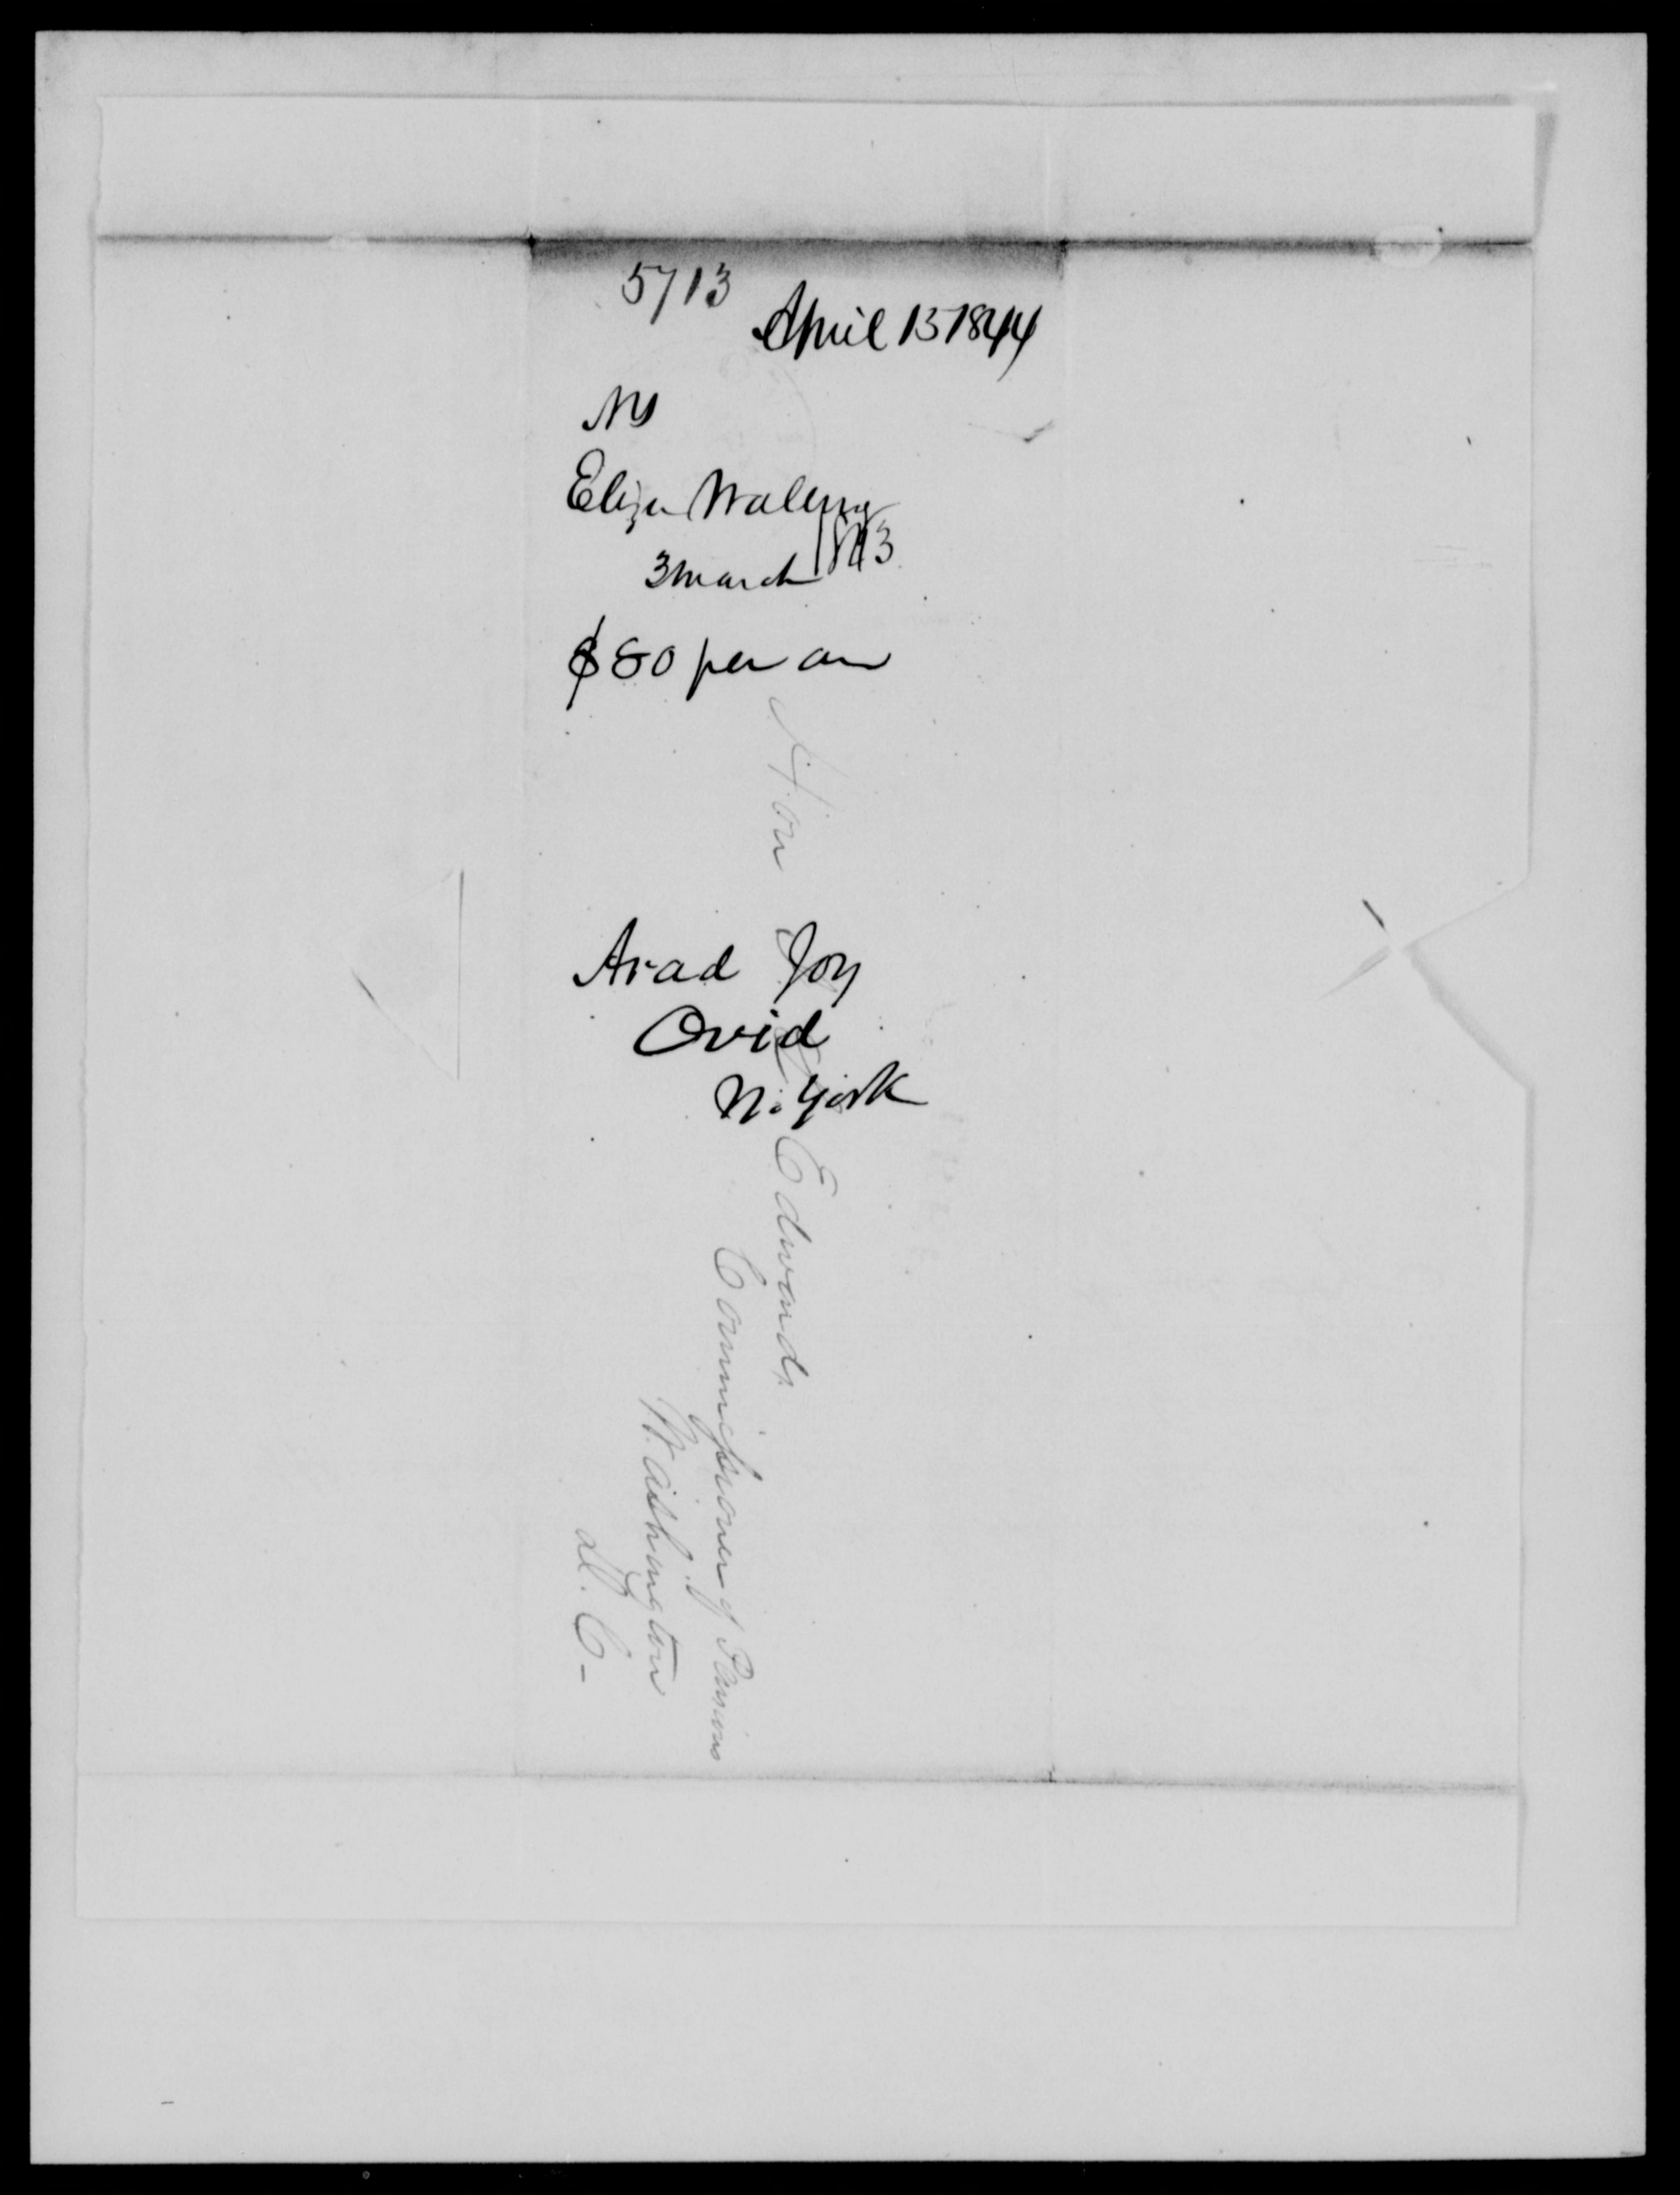5713
April 15 1844
NY
Eliza Walling
3 March 1843
$80 per an
Arad Joy
Ovid N. York

Hon J L Edwards
Commissioner of Pensions
Washington D.C.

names: Arad Joy, Eliza Walling, J L Edwards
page: 29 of 66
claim: widow's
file: W. 19588, William Walling, New Jersey